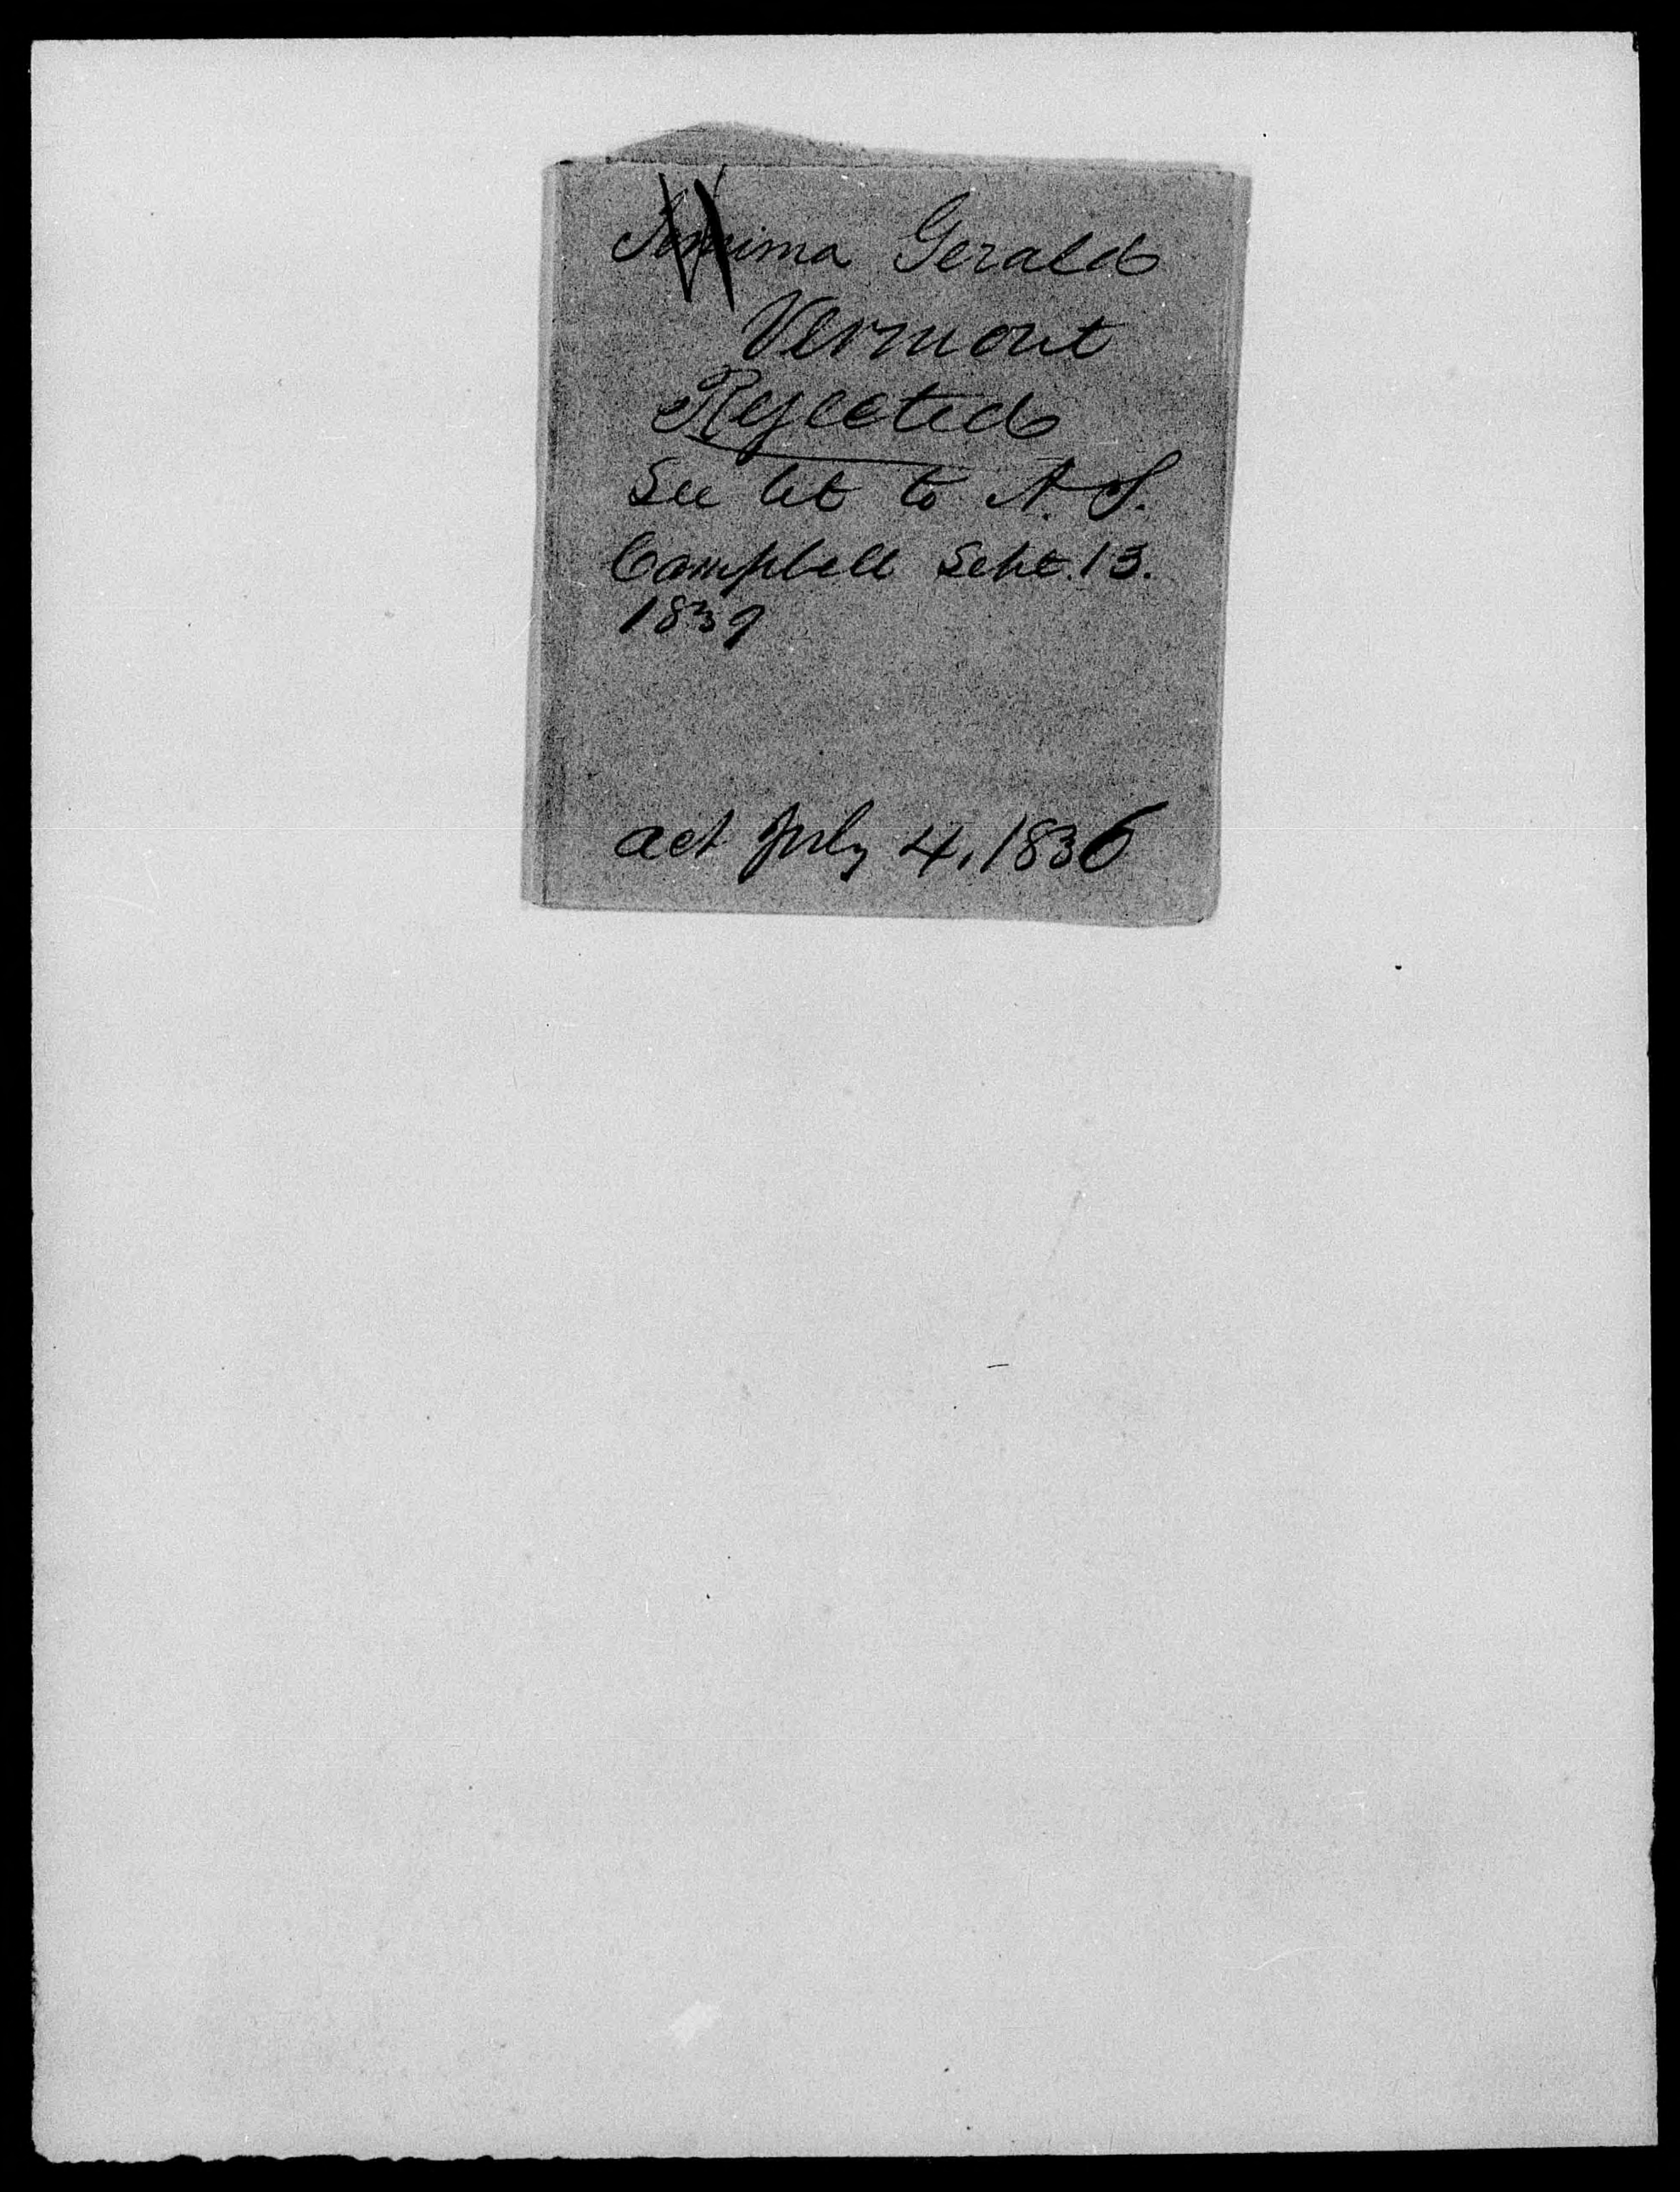[lined out: Jemima] Gerald
Vermout
Rejected
Se lit to A. S.
Campbell Sept. 13.
1839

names: Jemima Gerald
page: 15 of 26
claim: widow's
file: W. 25619, Gamaliel Gerald, Mass.